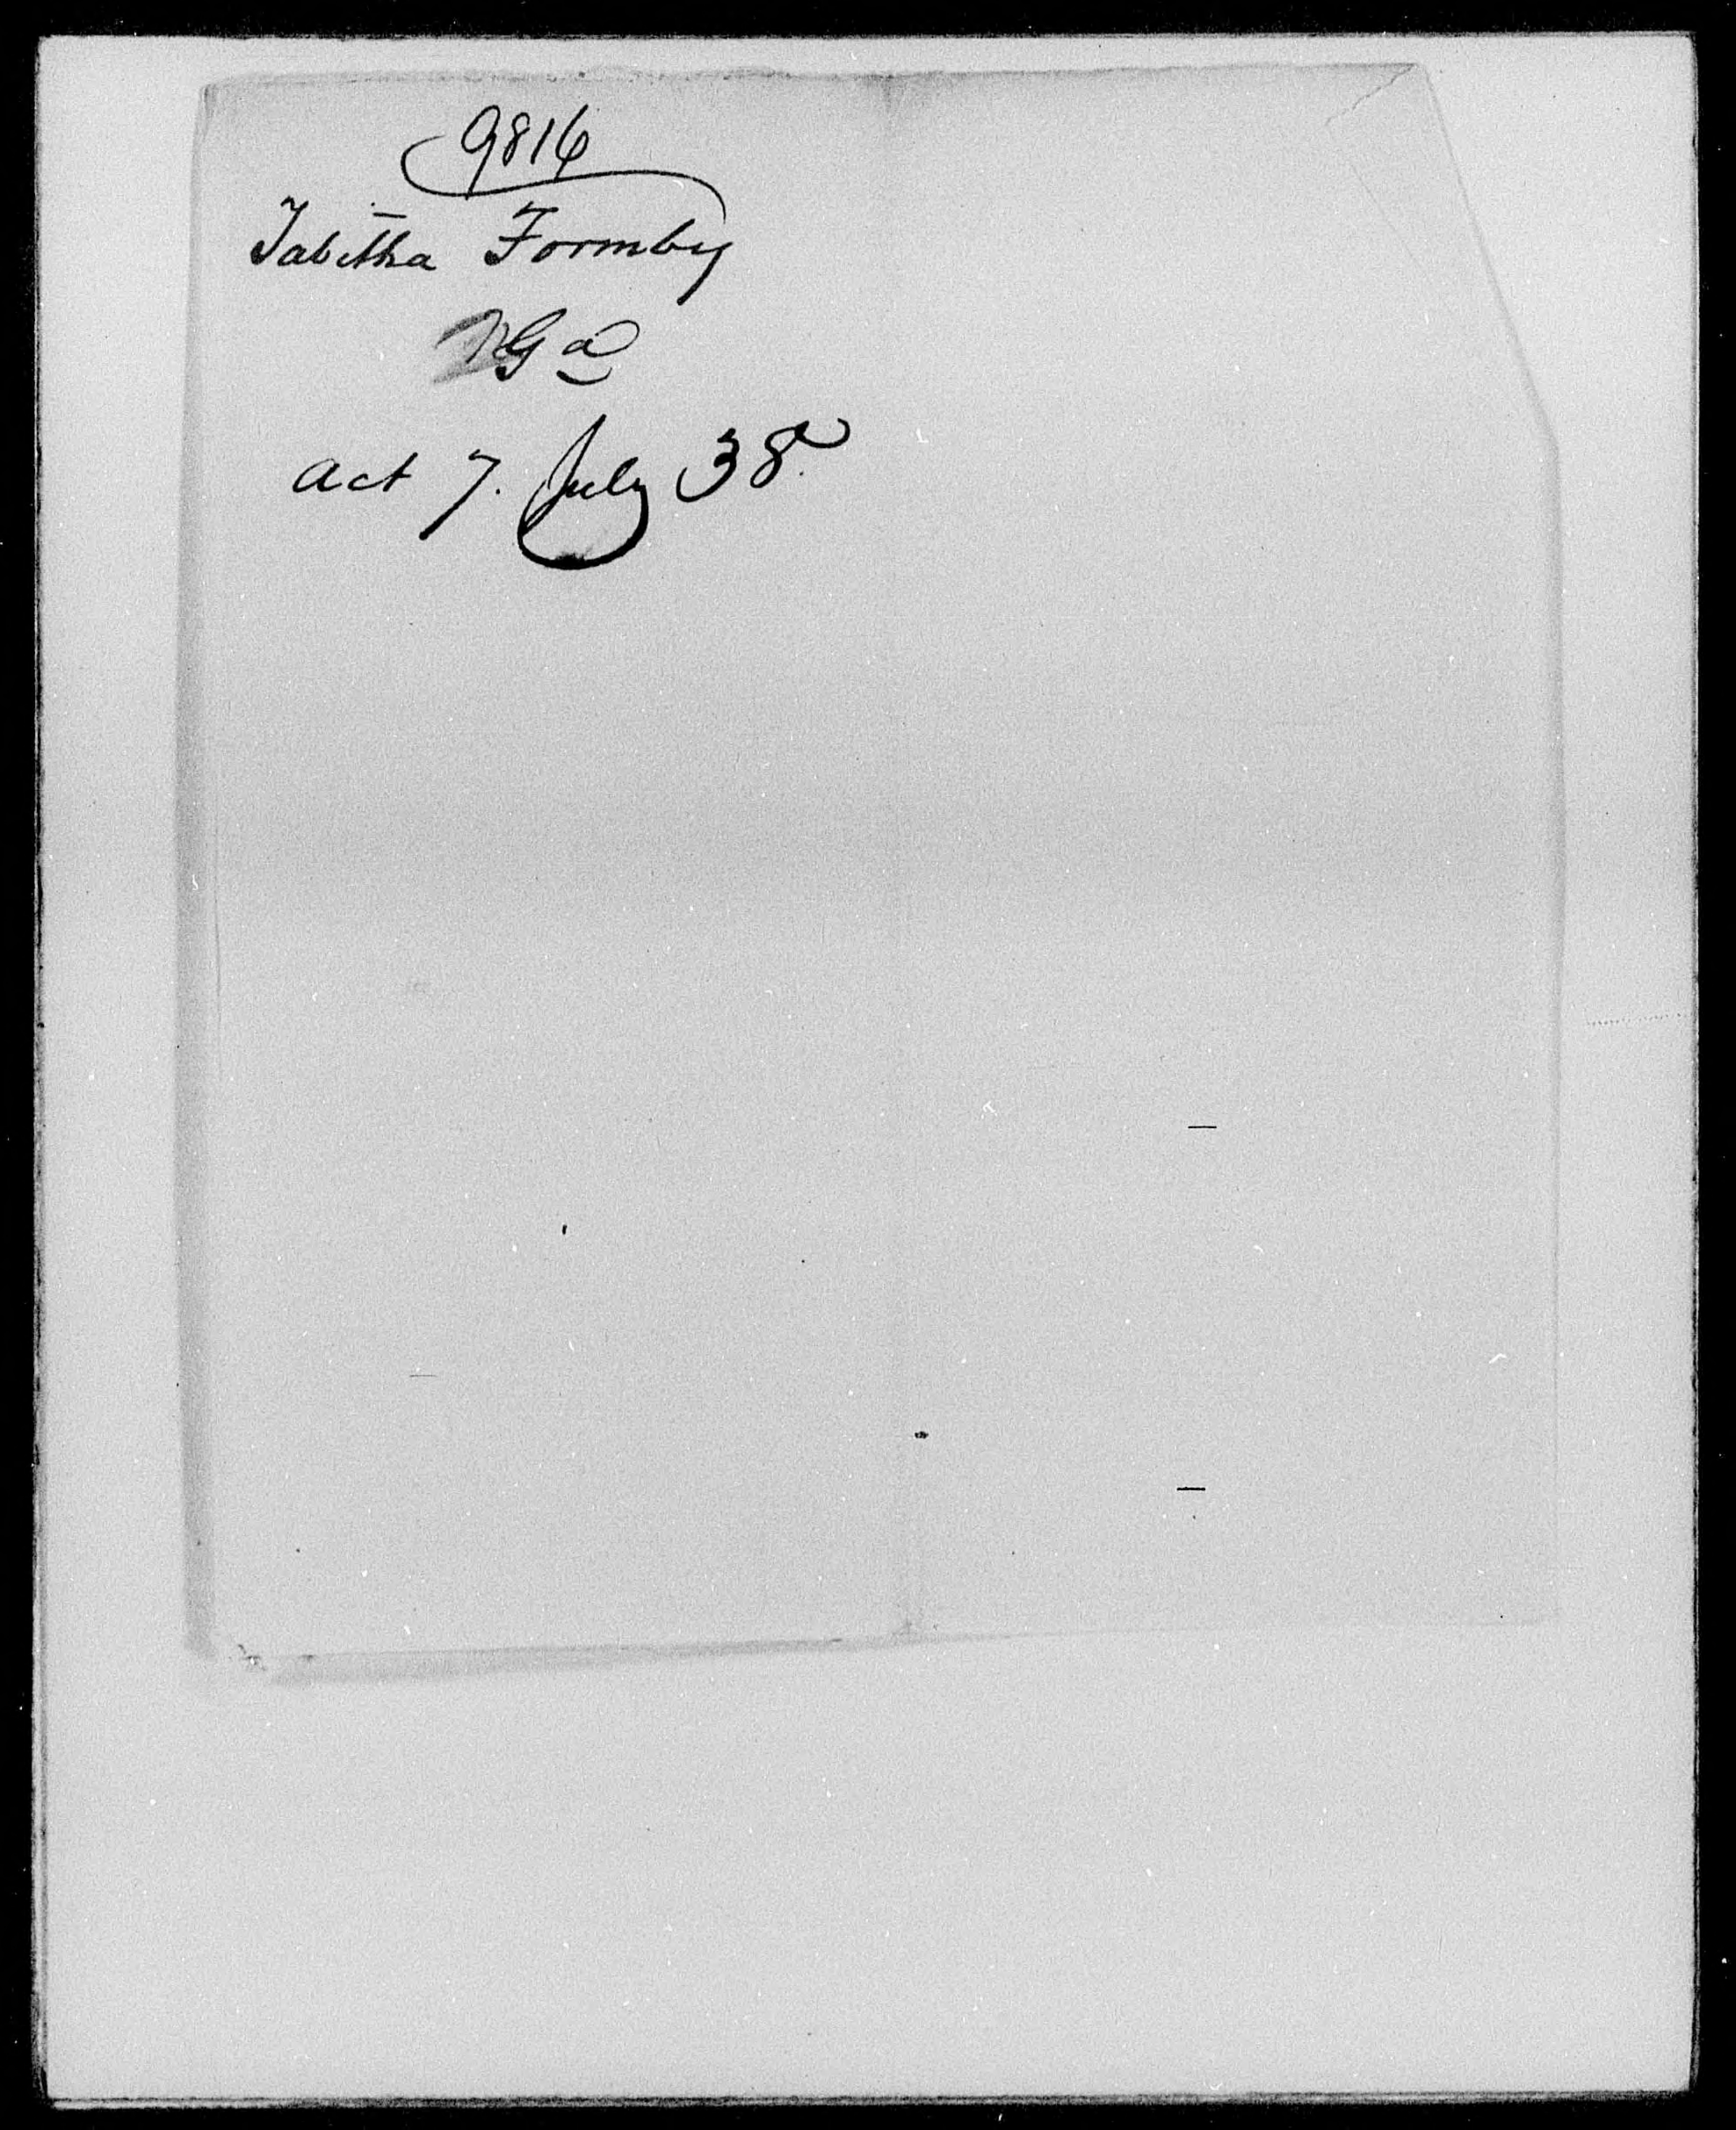9816
Tabitha Formby
Act 7, July 38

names: Tabitha Formby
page: 41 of 54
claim: widow's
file: W. 3794, Nathan Formby, Va.